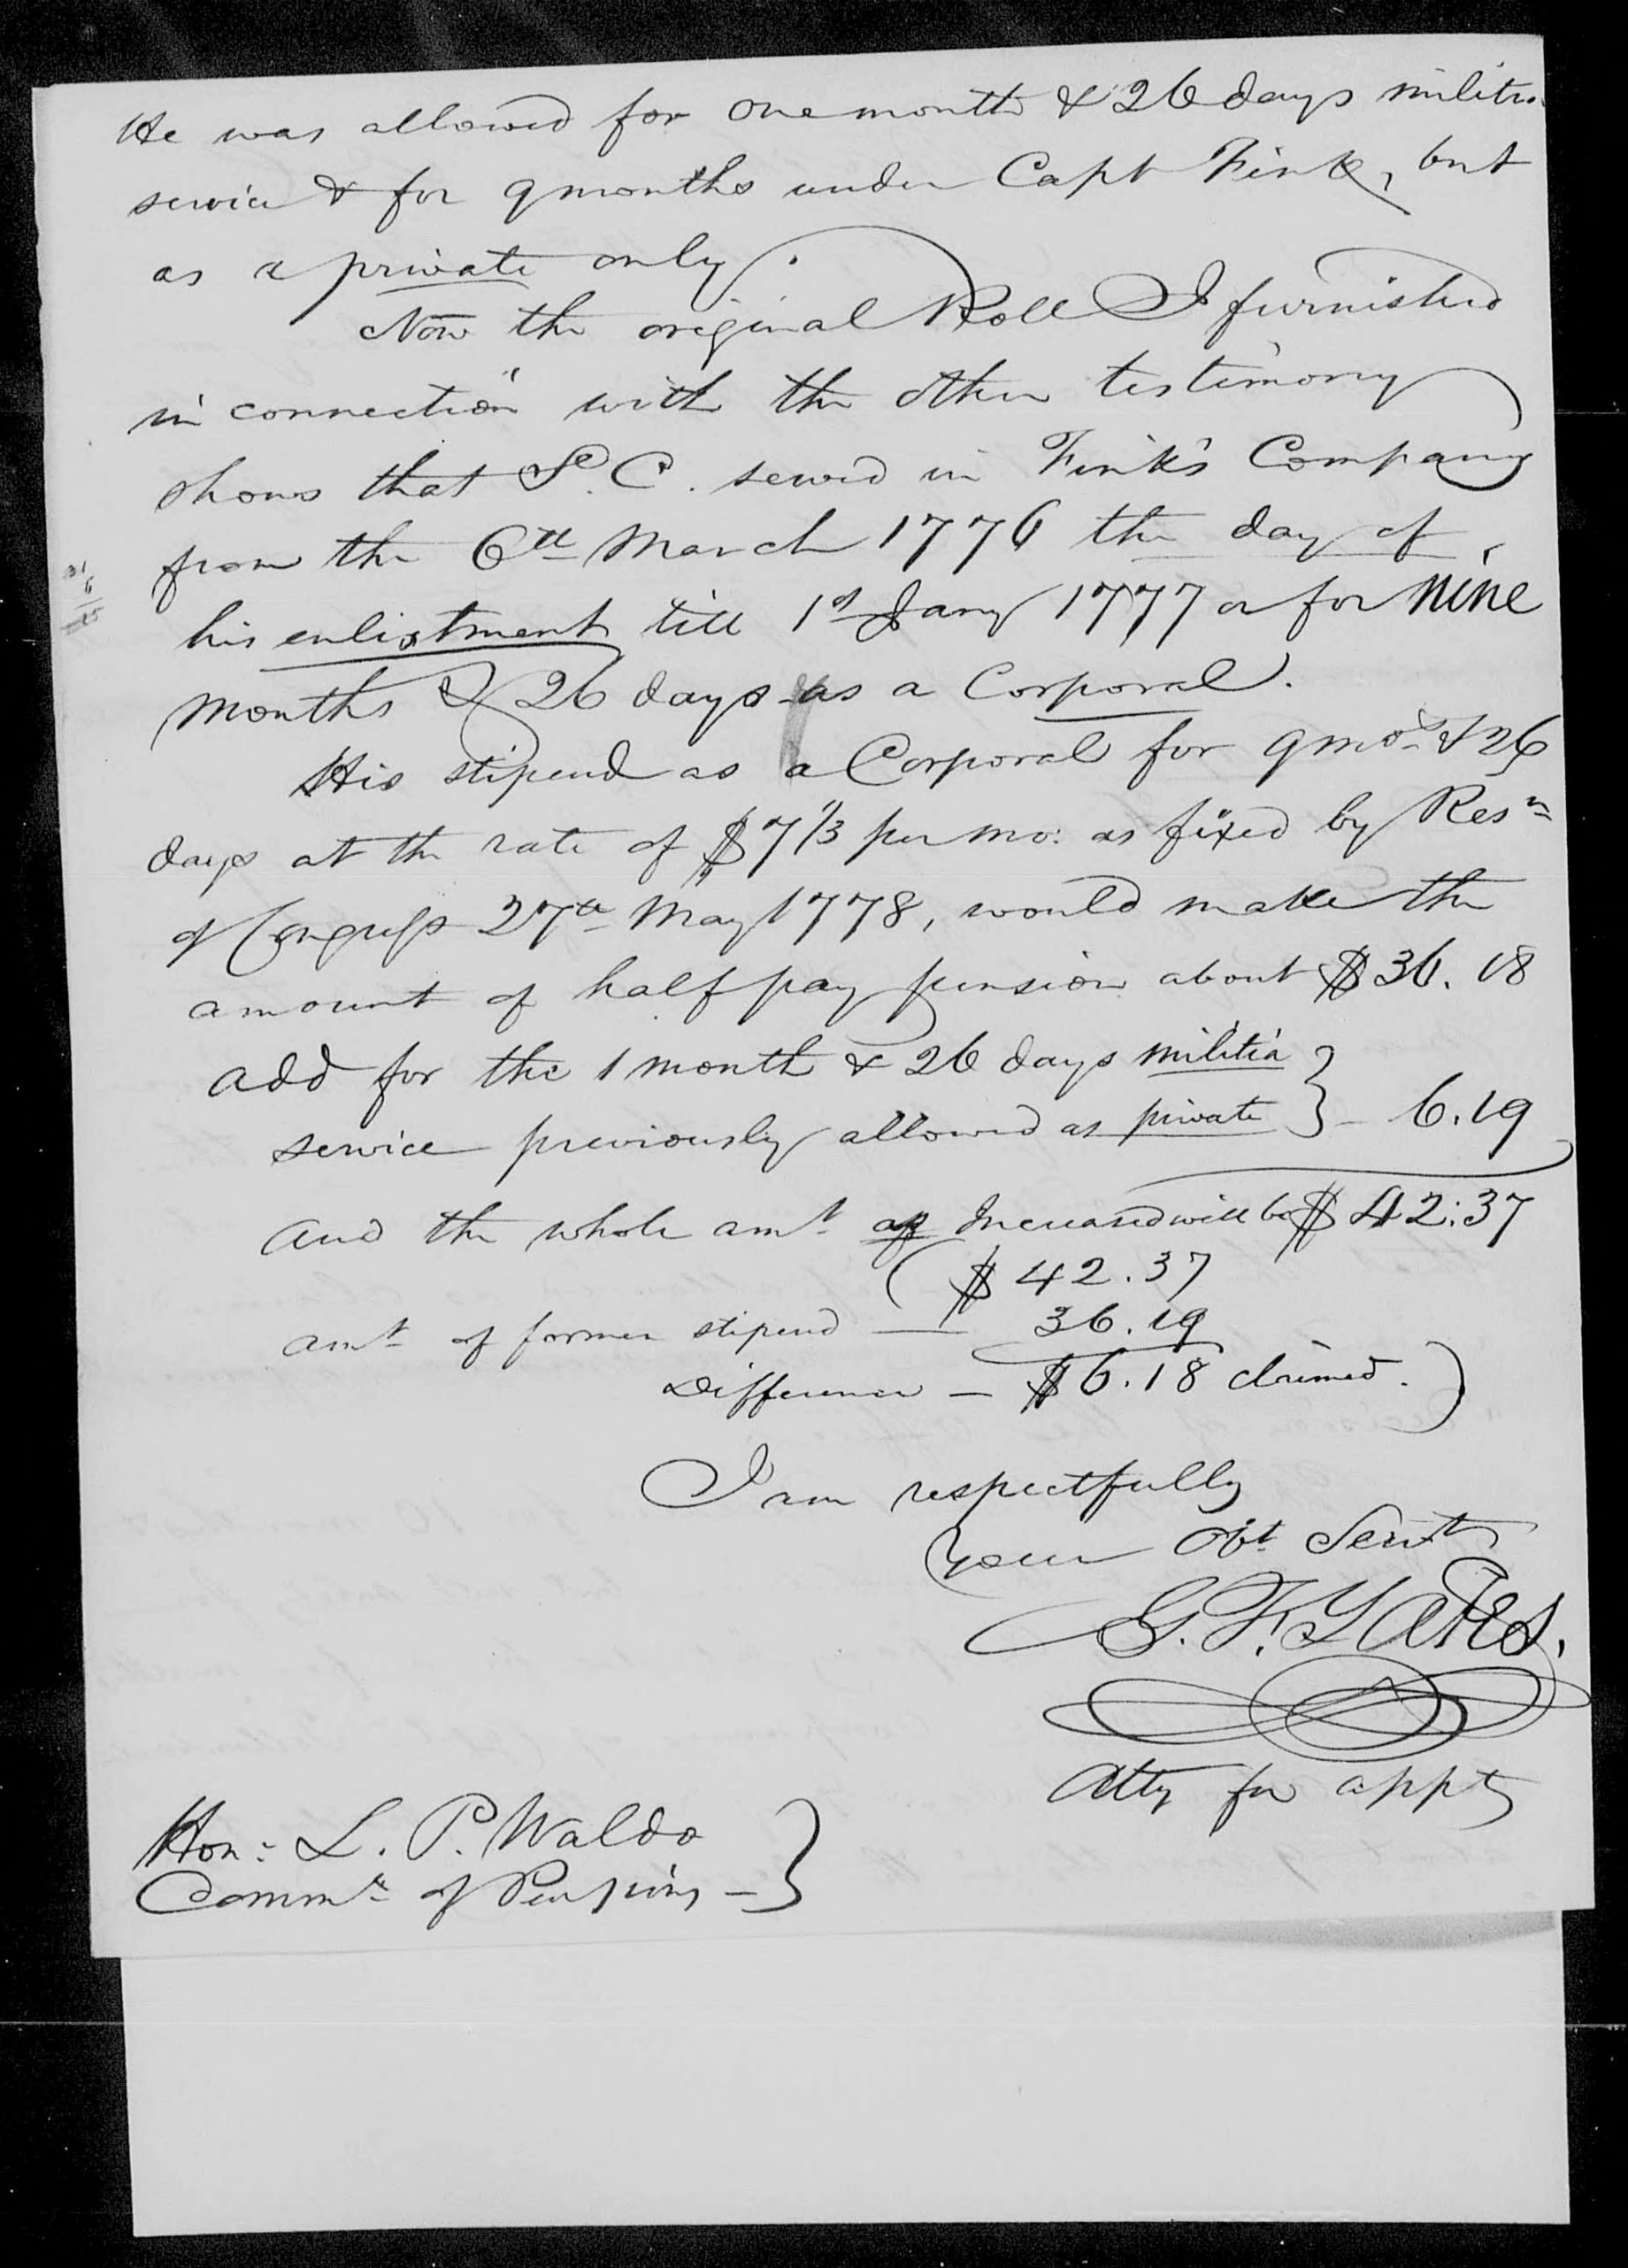He was allowed for one month & 26 days military service & for 9 months under Capt Fink, but as a private only.

Now the original Roll I furnished in connection with the other testimony shows that S.C. served in Fink's company from the 6th March 1776 the day of his enlistment till 1st Jany 1777 or for nine months 26 days as a Corporal.

His stipend as a Corporal for 9 mo & 26 days at the rate of $7 1/3 per mo: as fixed by Resn
of Congress 27th May 1778, would make the
amount of half pay pension about $36.18 add for the 1 month & 26 days militia service previously allowed as private }- 6.19

And the whole amt of Increase will be $42.37
($42.37
amt of former stipend - 36. 19
Difference - $6.18 claimed)

I am respectfully
Your Obt Servt
G. F. Yates
Atty for Appts

Hon: L. P. Waldo
Commr of Pensions }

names: L P Waldo, G F Yates, Fink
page: 37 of 51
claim: survivor's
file: S. 12563, Severinus Cook, New York